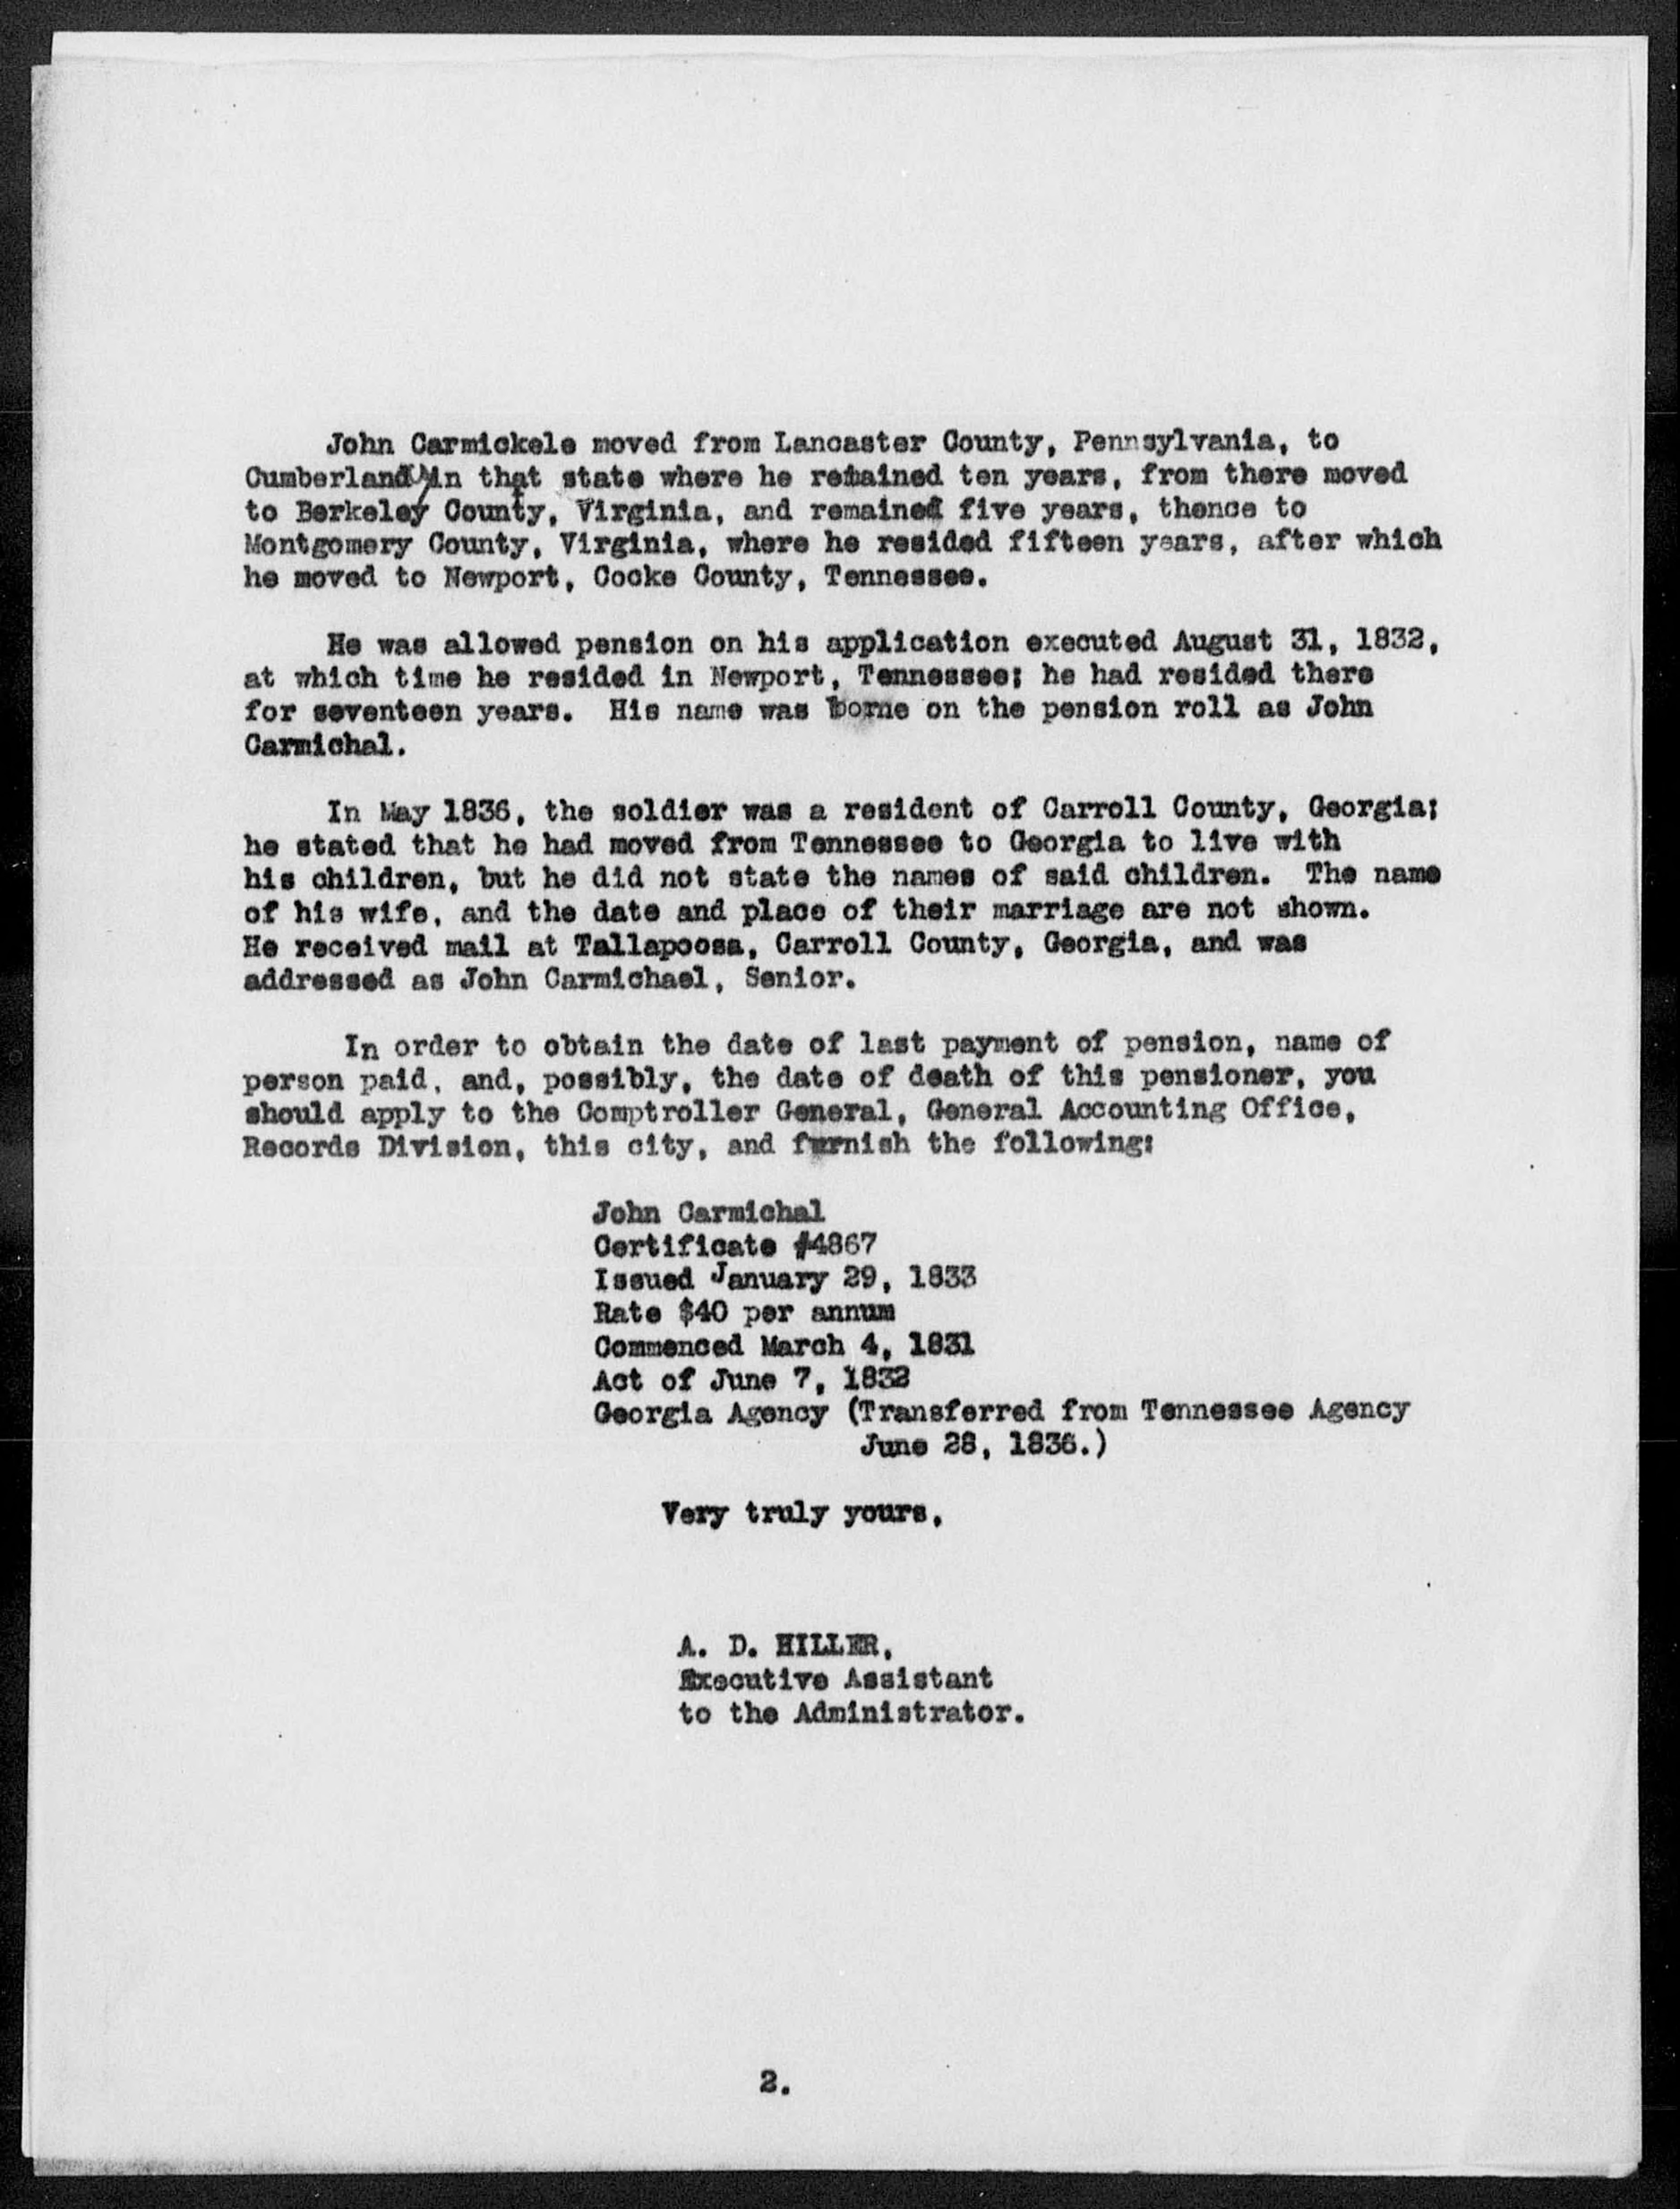John Carmickele moved from Lancaster County, Pennsylvania, to Cumberland in that state where he remained ten years, from there moved to Berkeley County, Virginia, and remained five years, thence to Montgomery County, Virginia, where he resided fifteen years, after which he moved to Newport, Cocke County, Tennessee.
He was allowed pension on his application executed August 31, 1832, at which time he resided in Newport, Tennessee; he had resided there for seventeen years. His name was borne on the pension roll as John Carmichal.
In May 1836, the soldier was a resident of Carroll County, Georgia; he stated that he had moved from Tennessee to Georgia to live with
his children, but he did not state the names of said children. The name of his wife, and the date and place of their marriage are not shown. He received mail at Tallapoosa, Carroll County, Georgia, and was addressed as John Carmichael, Senior.
In order to obtain the date of last payment of pension, name of person paid and, possibly, the date of death of this pensioner, you should apply to the Comptroller General, General Accounting Office, Records Division, this city, and furnish the following:
John Carmichal
Certificate #4867
Issued January 29, 1833
Rate $40 per annum
Commenced March 4, 1831
Act of June 7, 1832
Georgia Agency (transferred from Tennessee Agency June 28, 1836.)
Very truly yours,
A. D. HILLER,
Executive Assistant
to the Administrator.
2.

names: John Carmickele, John Carmichael, John Carmichal, John Carmichal, A D Hiller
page: 39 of 42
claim: survivor's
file: S. 31,595, John Carmickele, Penn.